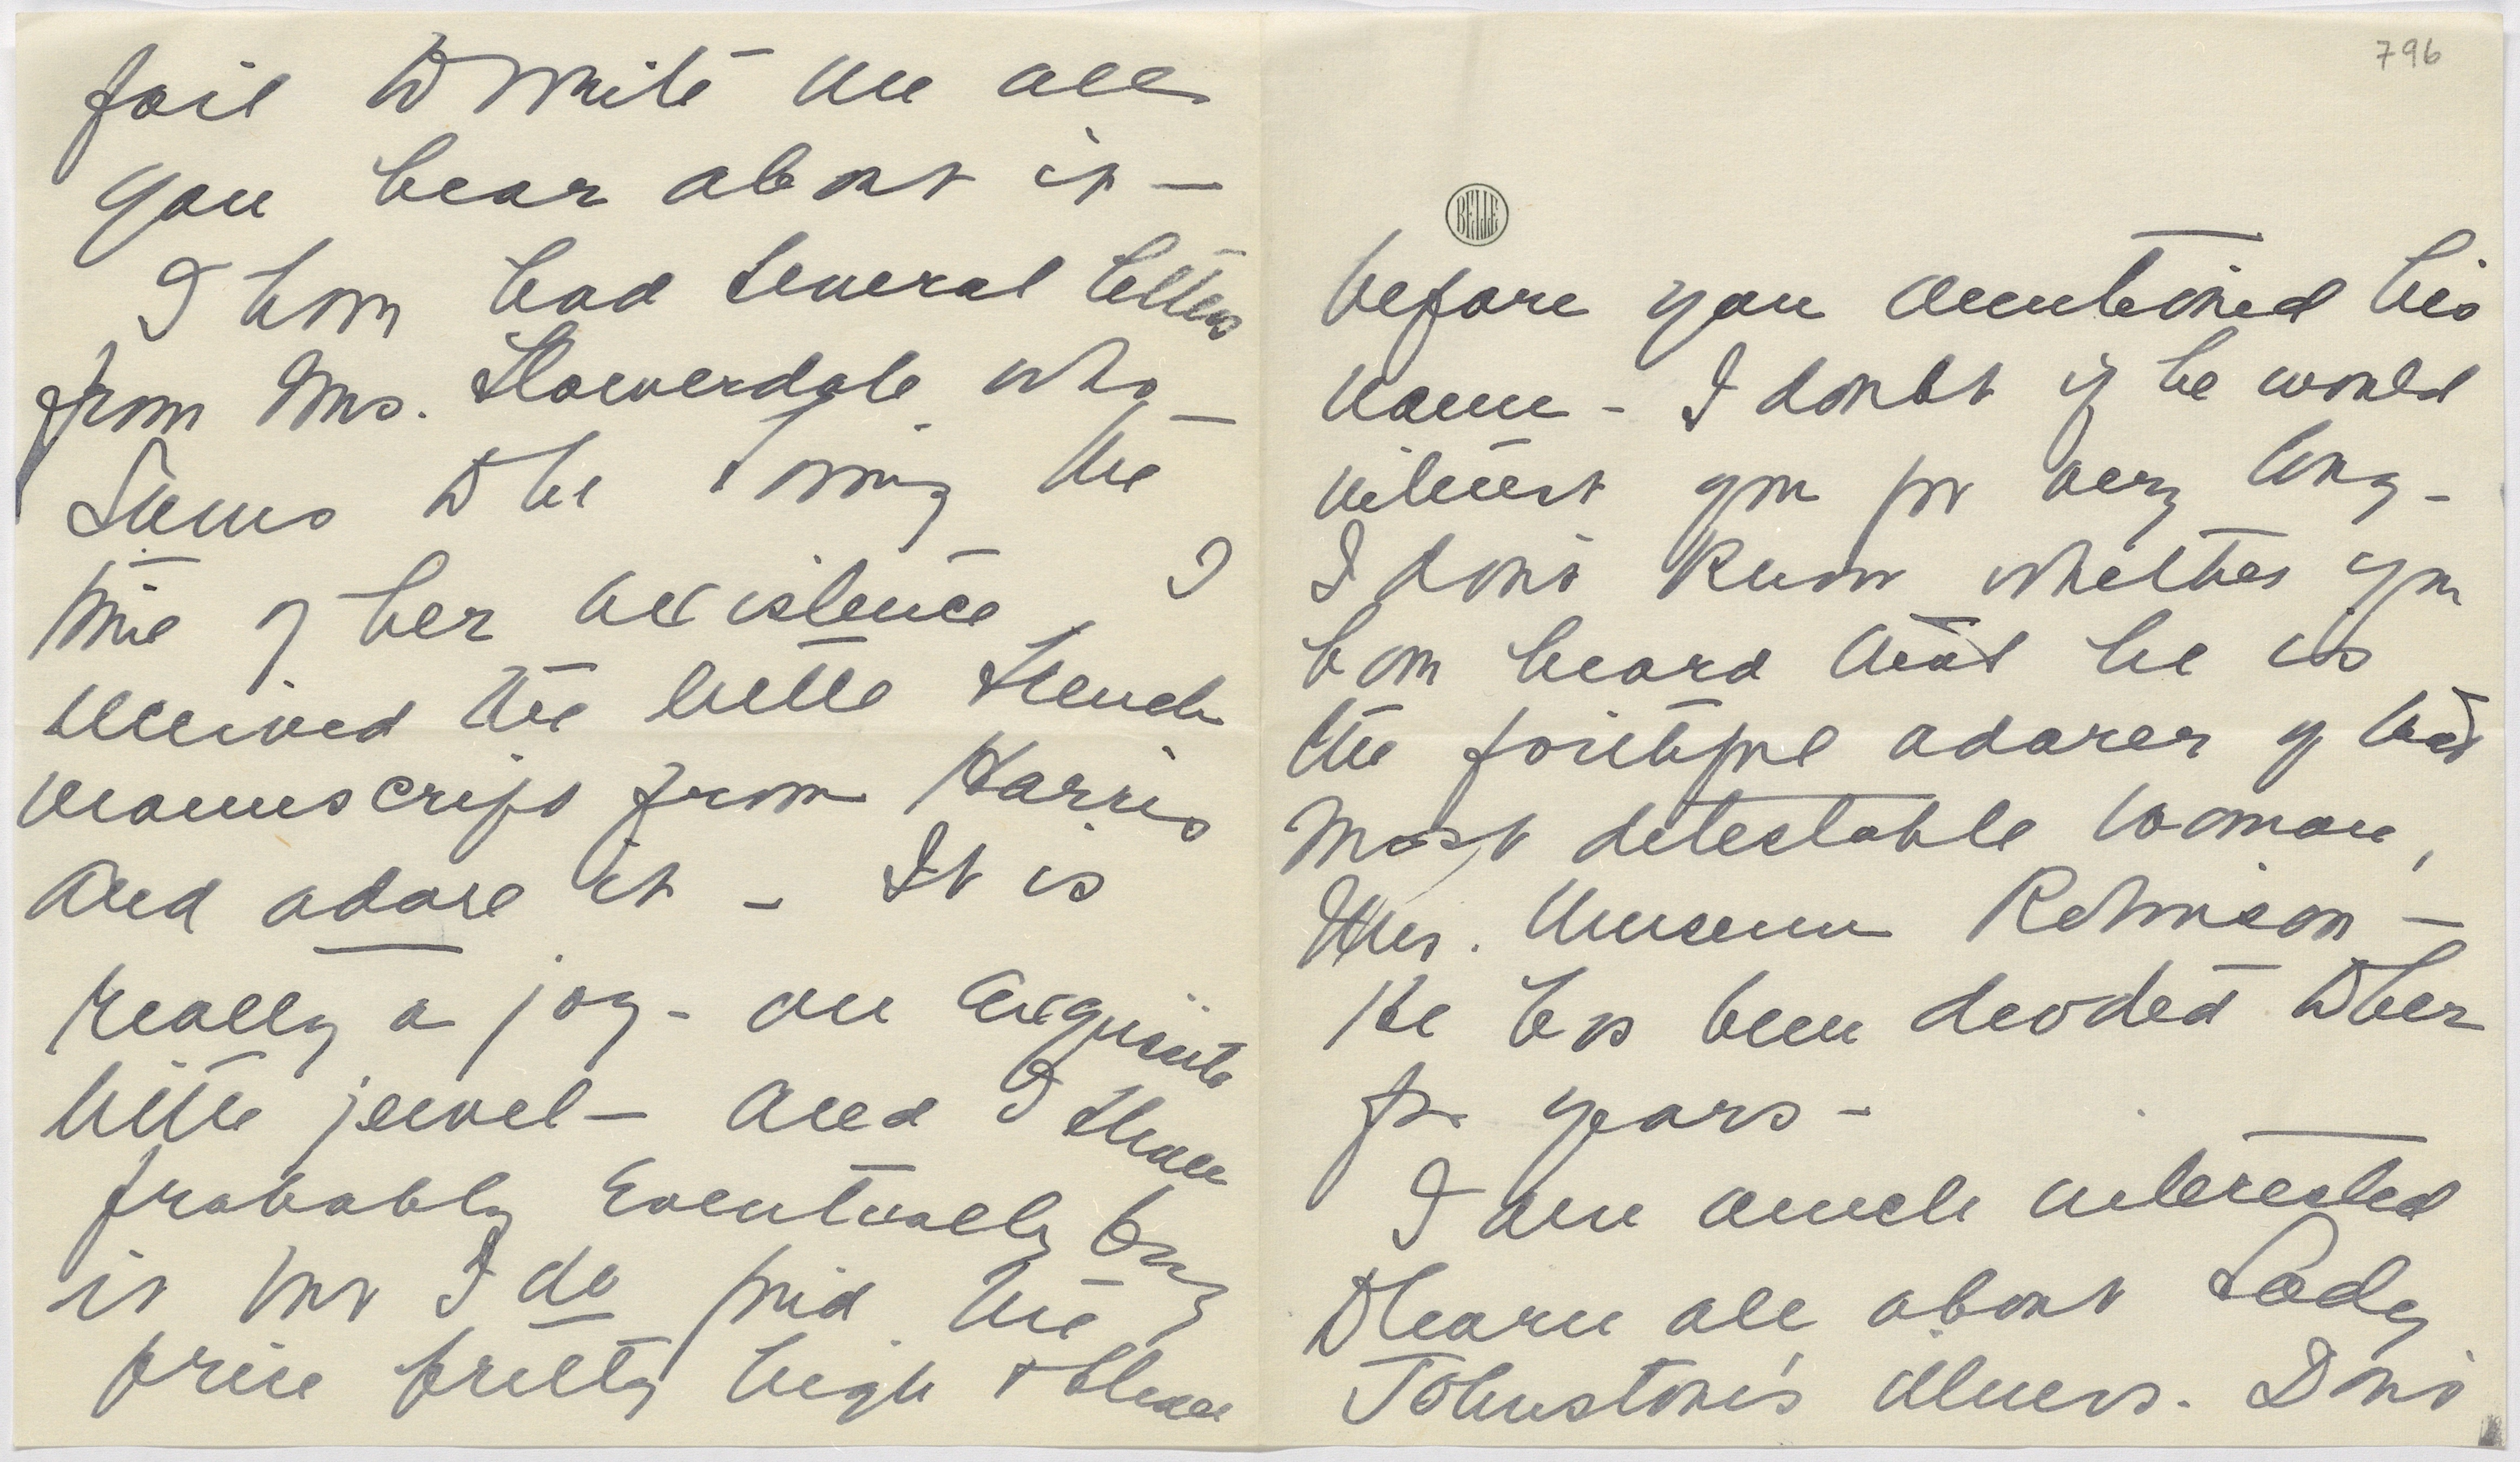before you mentioned his name – I doubt if he would interest you for very long – I don’t know whether you have heard that he is the faithful adorer of that most detestable woman, Mrs. Museum Robinson – He has been devoted to her for years –
I am much interested to learn all about Lady Johnstone’s illness. Don’t
fail to write me all you hear about it –
I have had several letters from Mrs. Flowerdale who seems to be having the time of her existence I received the little French manuscript from Harris and adore it – It is really a joy – an exquisite little jewel – and I shall probably eventually buy it but I do find the price pretty high & shall